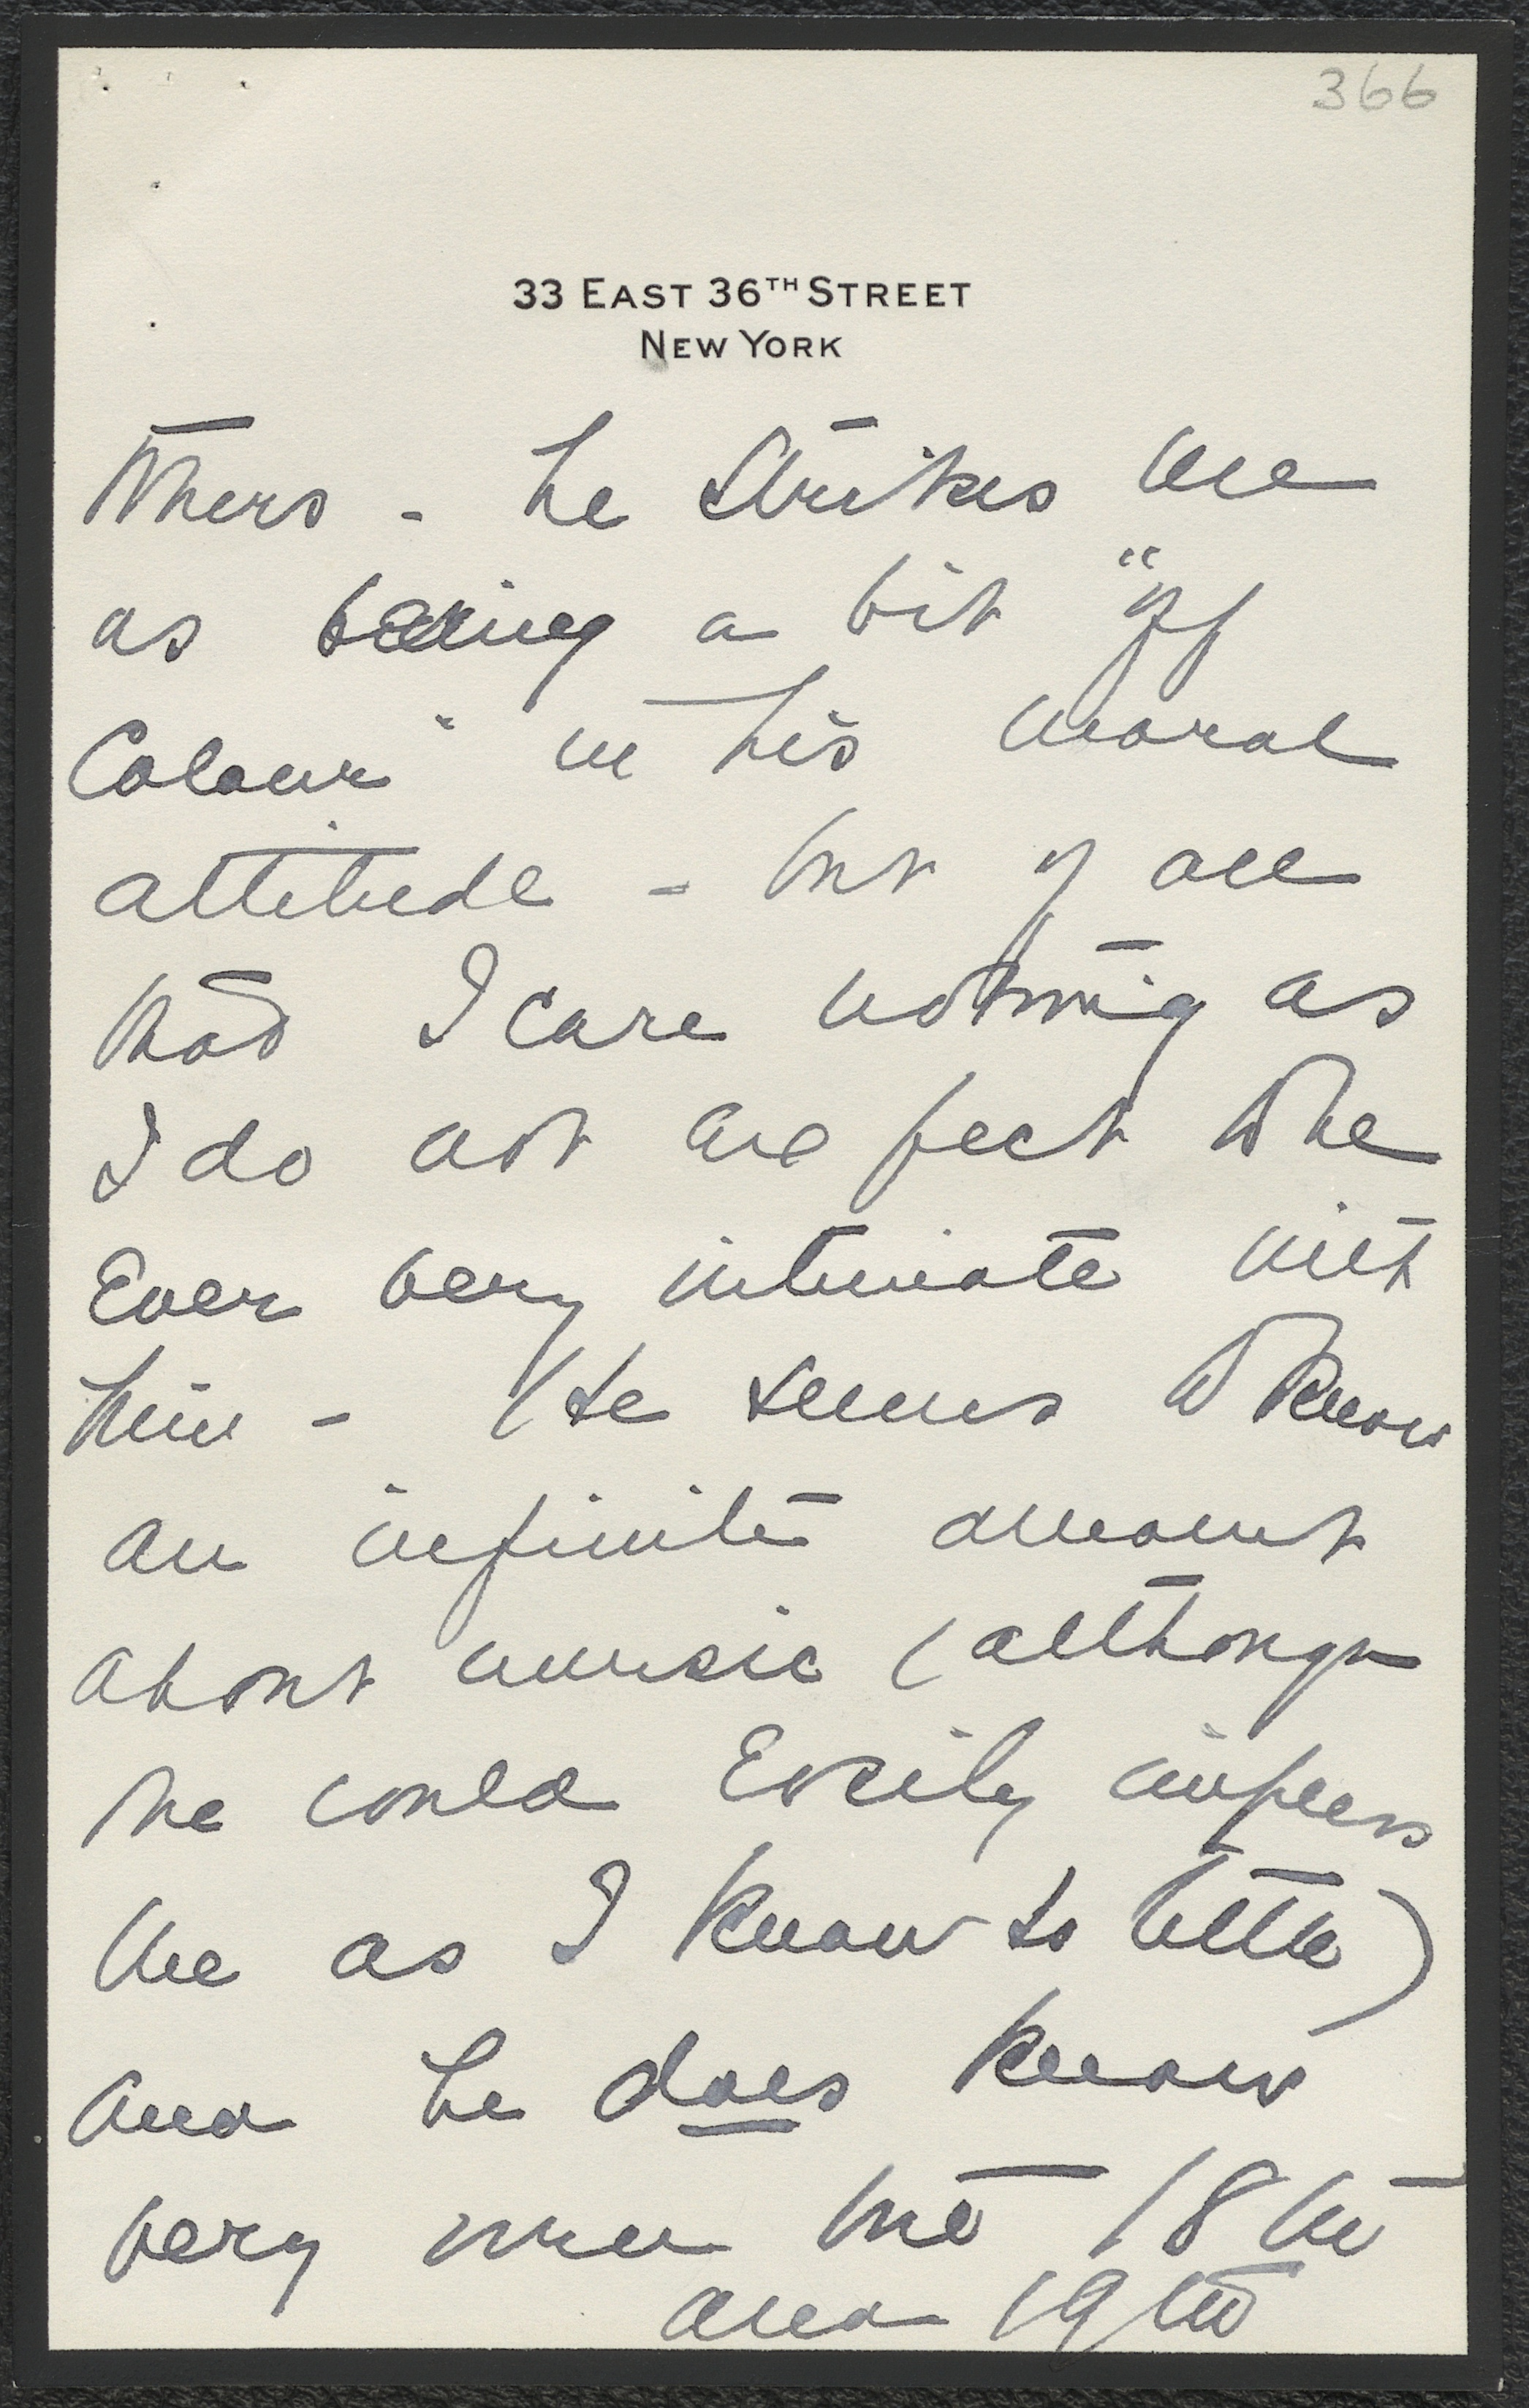others – he strikes me as being a bit “off colour” in his moral attitude – but of all that I care nothing as I do not expect to be ever very intimate with him – He seems to know an infinite amount about music (although one could easily impress me as I know so little) and he does know very well the 18th and 19th